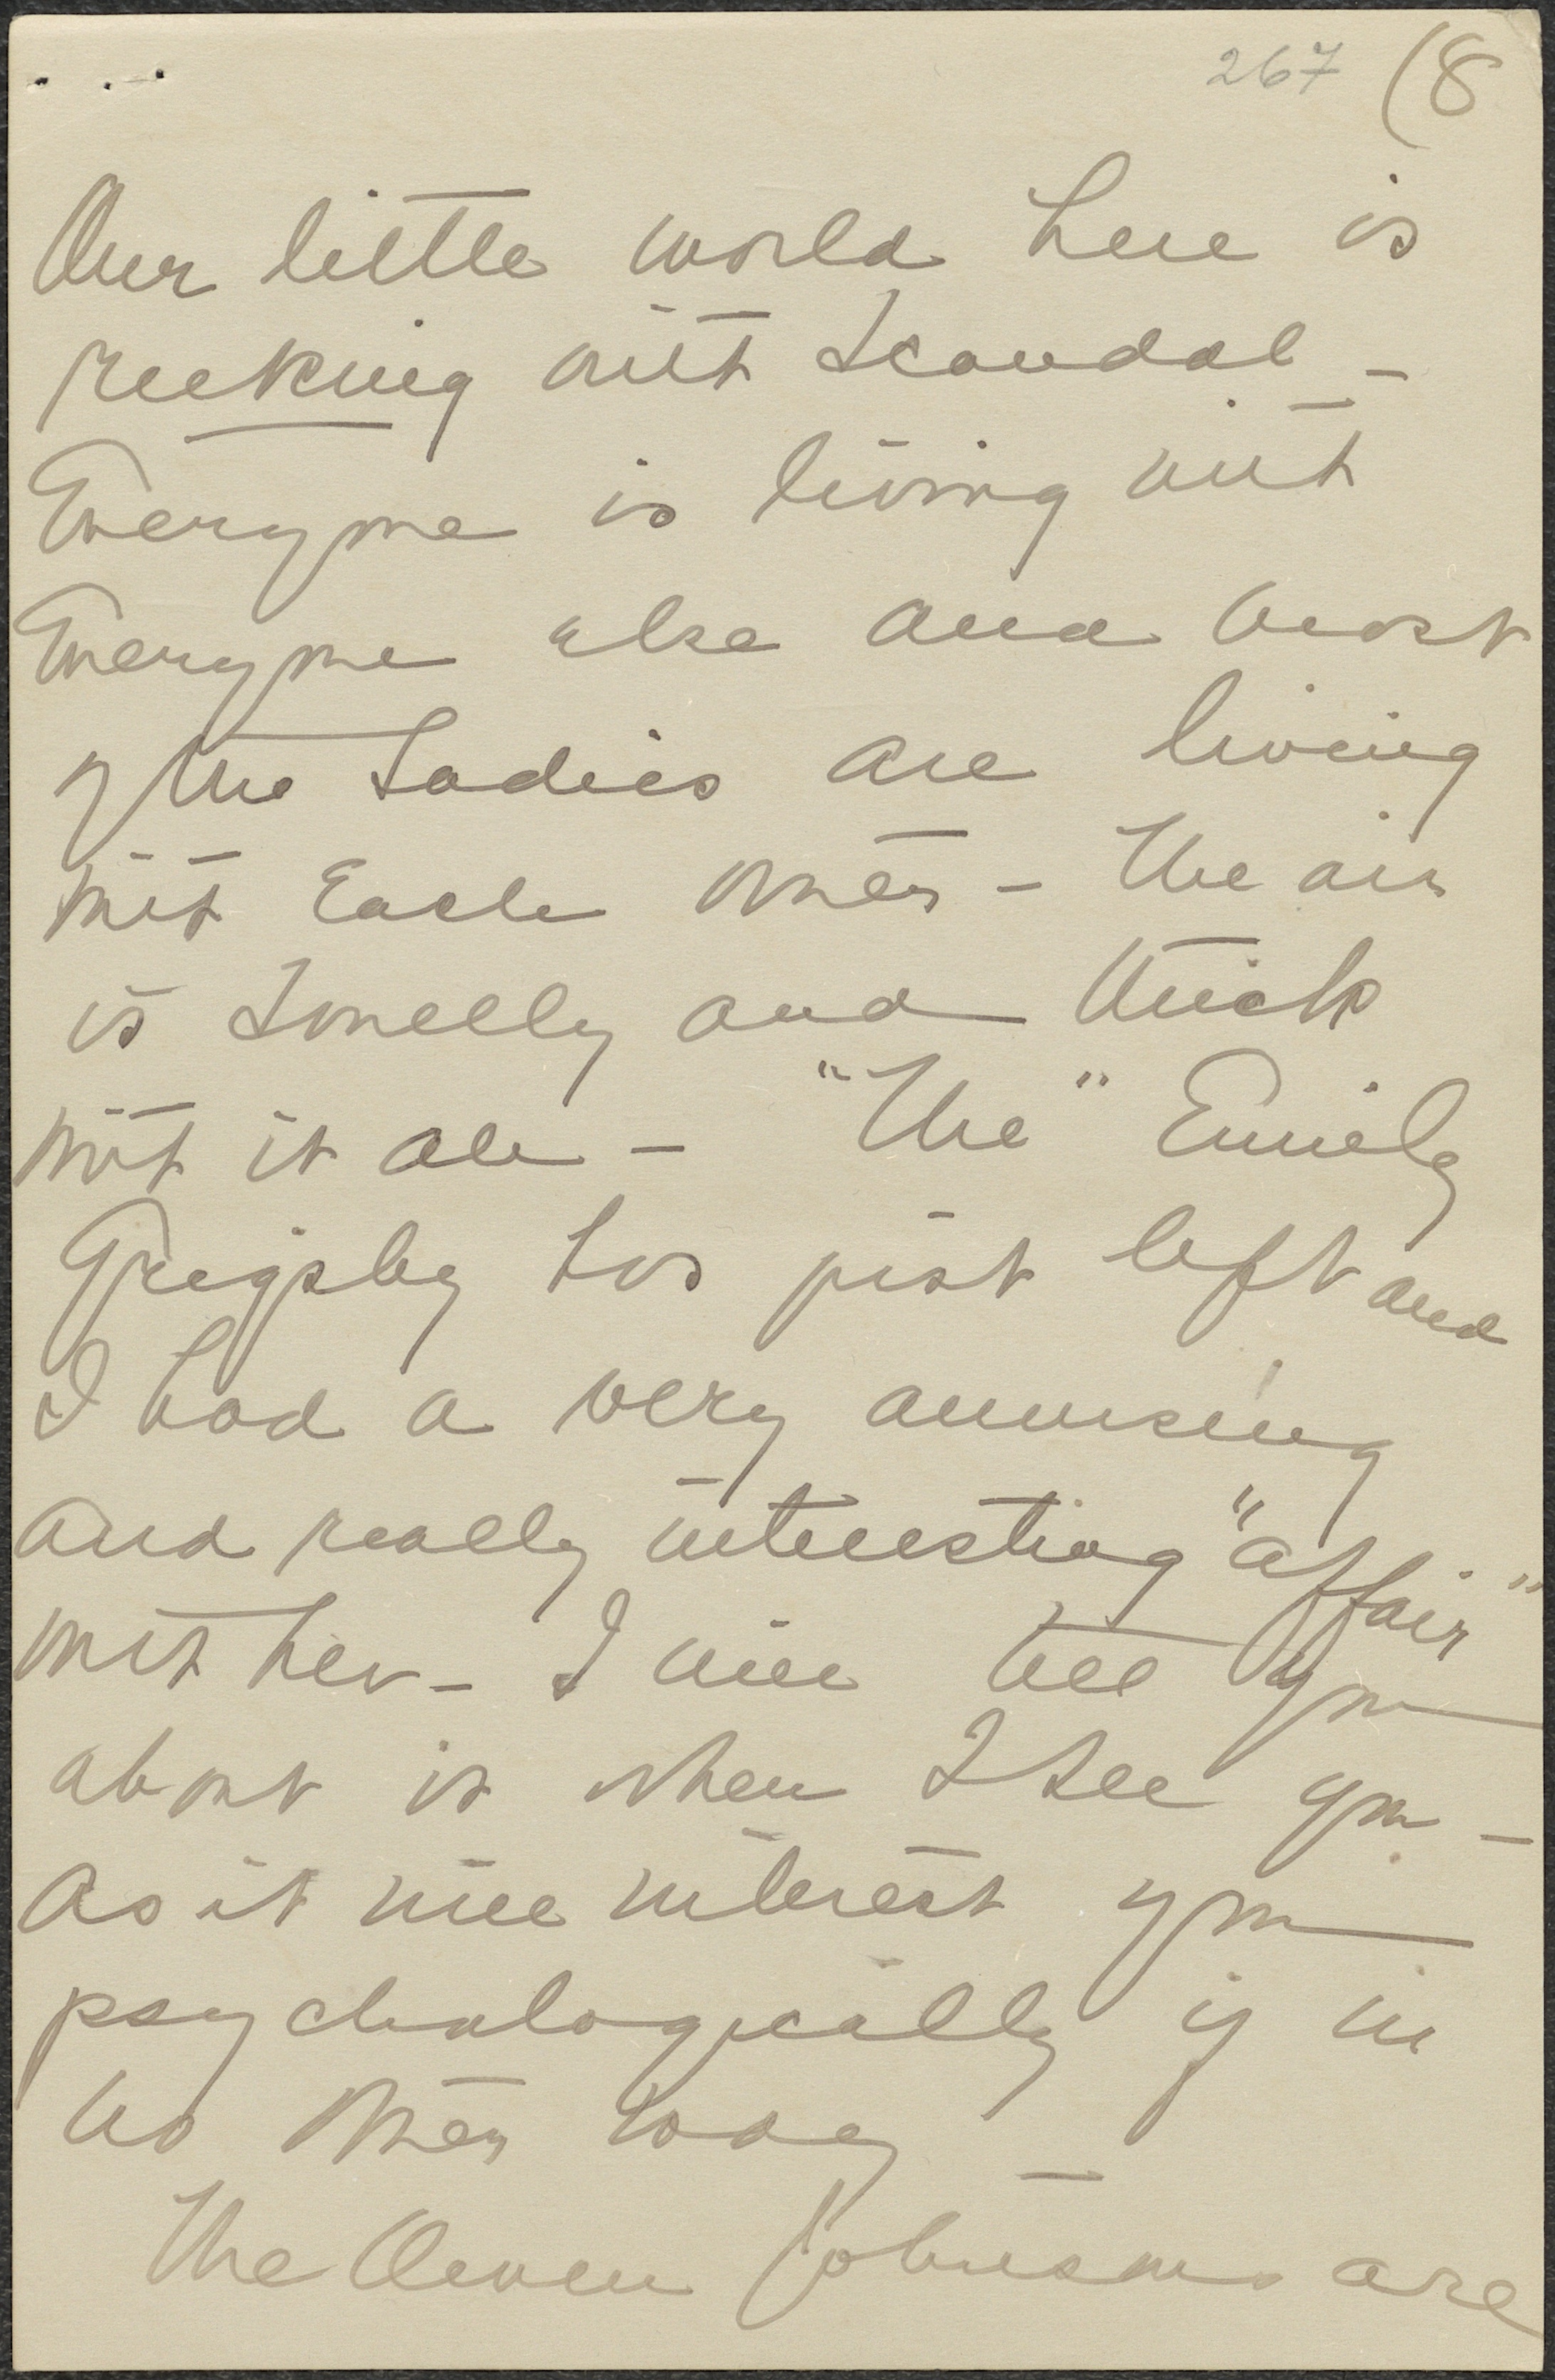(8
Our little world here is reeking with scandal – Everyone is living with Everyone else and most of the ladies are living with each other – The air is smelly and thick with it all – “The” Emily [sic] Grigsby has just left and I had a very amusing and really interesting “affair” with her – I will tell you about it when I see you – as it will interest you psychologically if in no other way –
The Owen Johnsons are